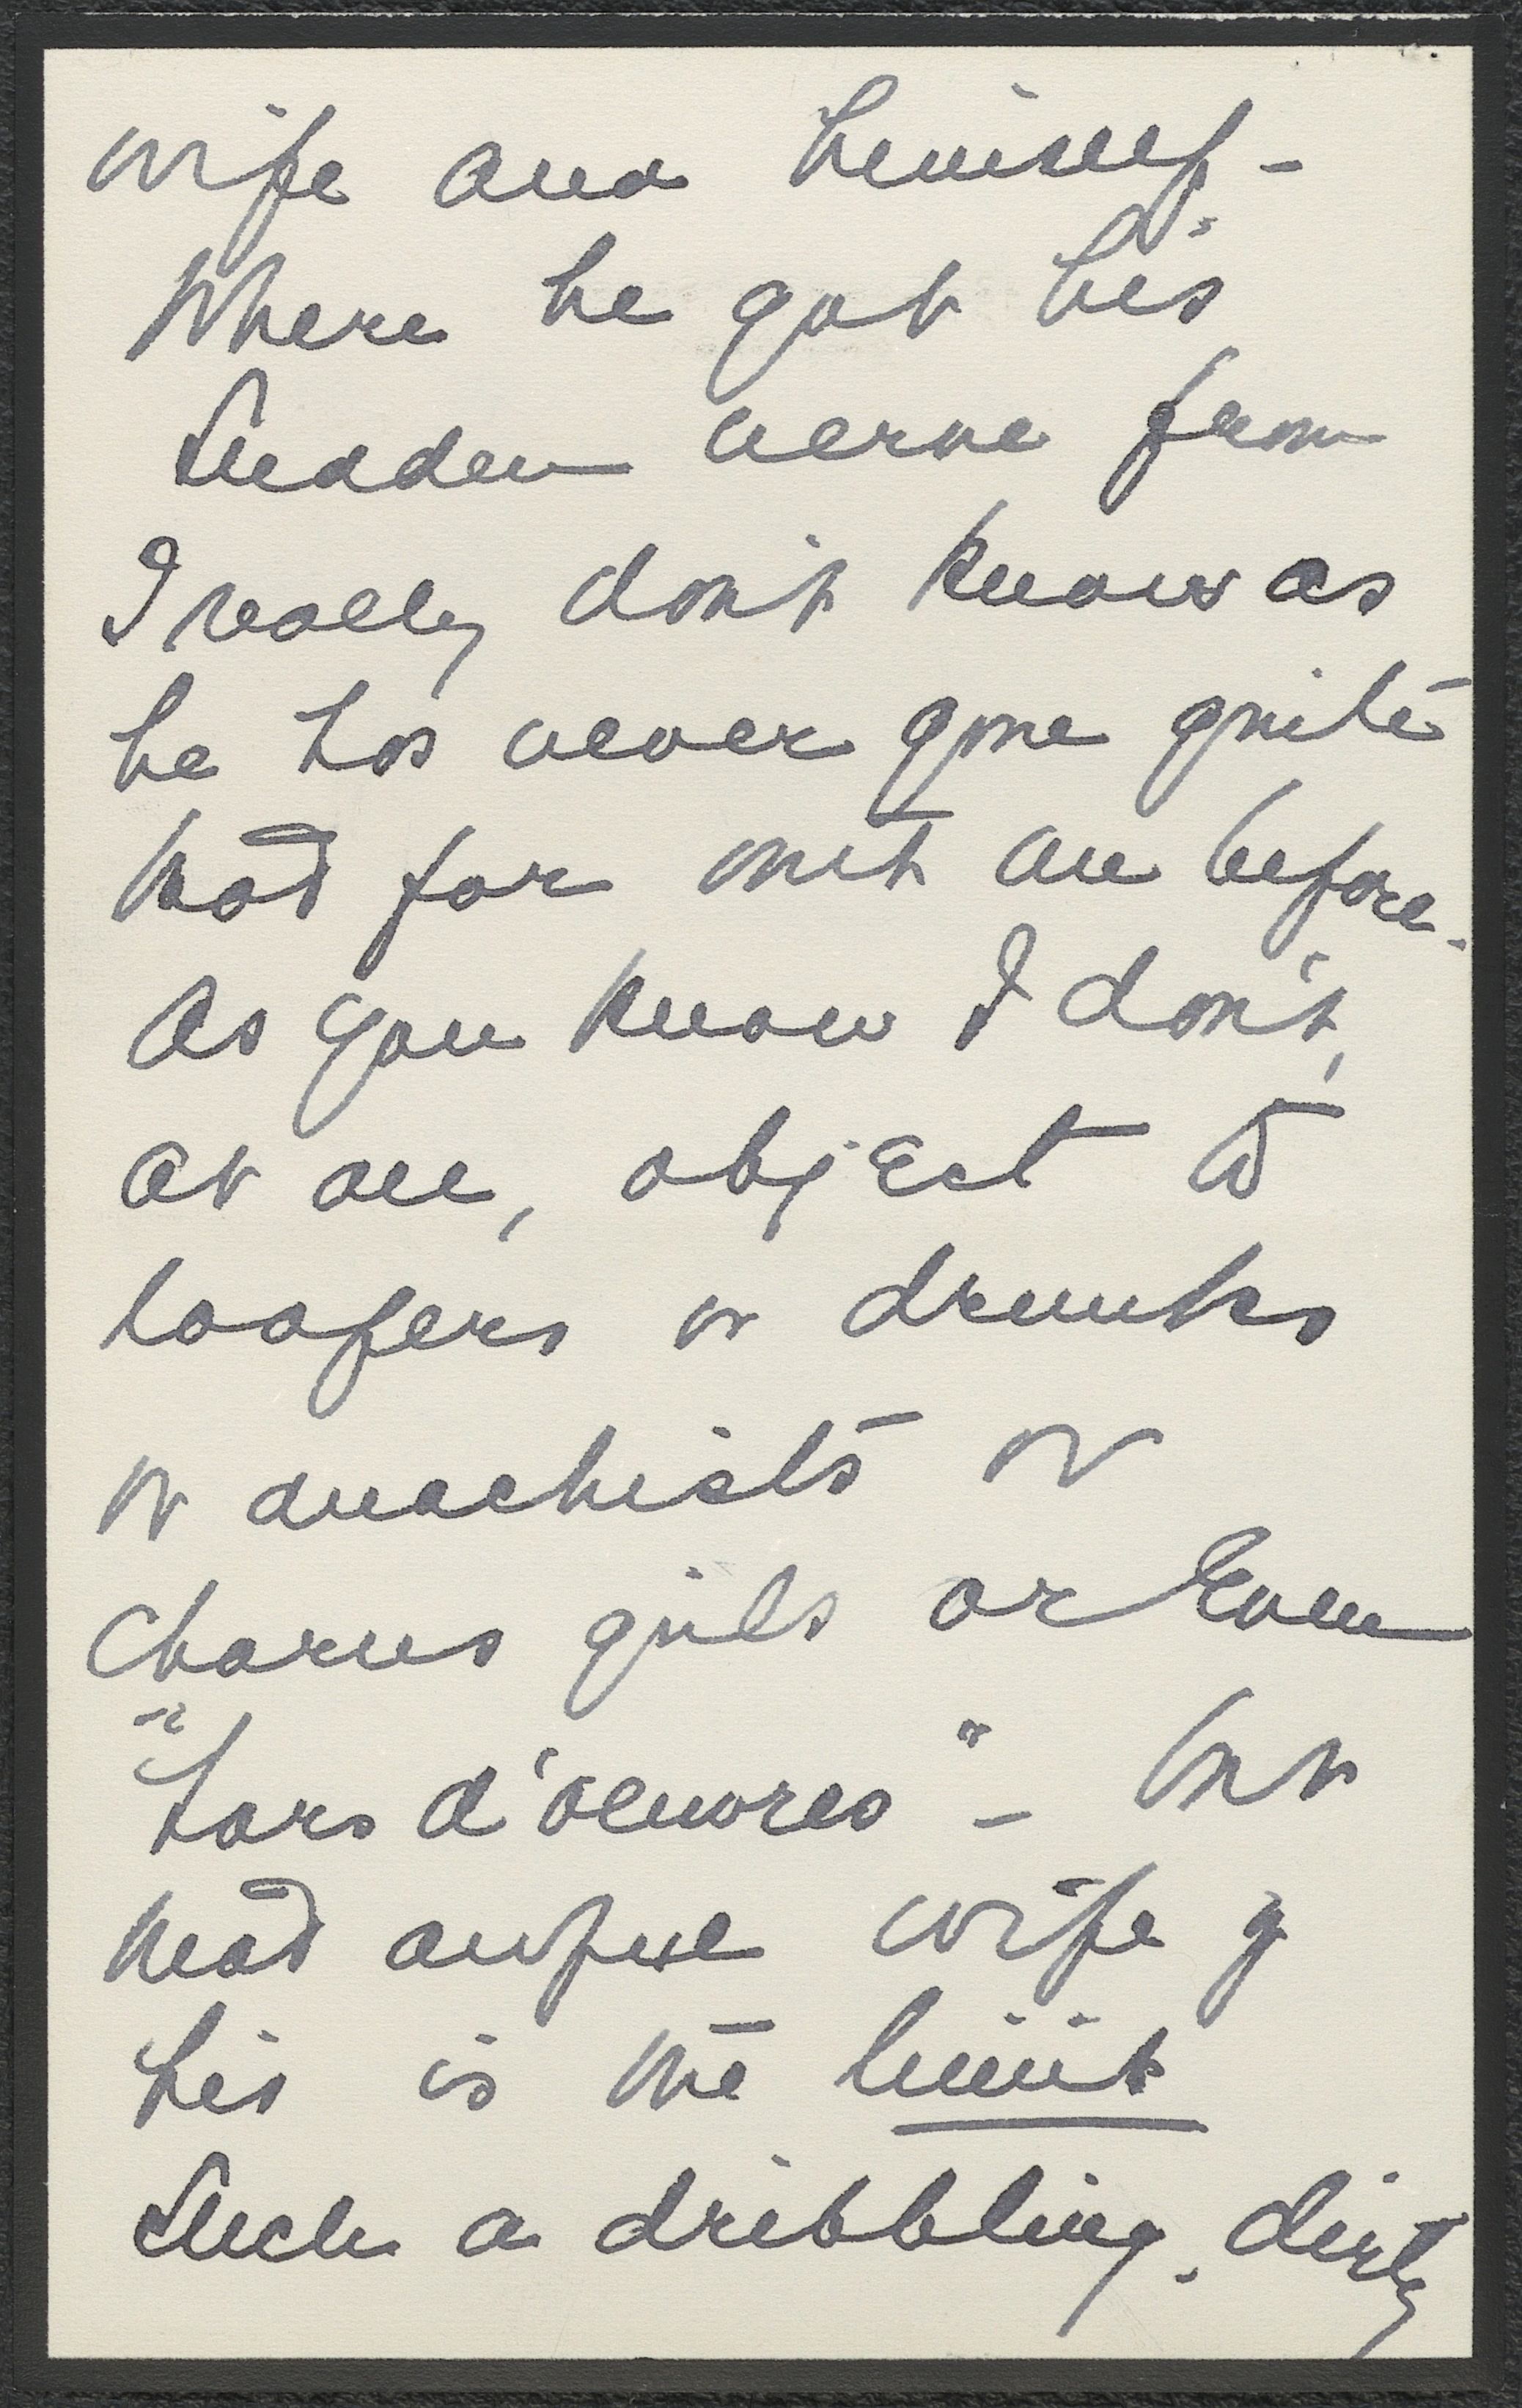wife and himself –
Where he got his sudden nerve from I really don’t know as he has never gone quite that far with me before. As you know I don’t, at all, object to loafers or drunks or anachists [sic] or chorus girls or even “hors d’oeuvres” – but that awful wife of his is the limit such a dribbling, dirty